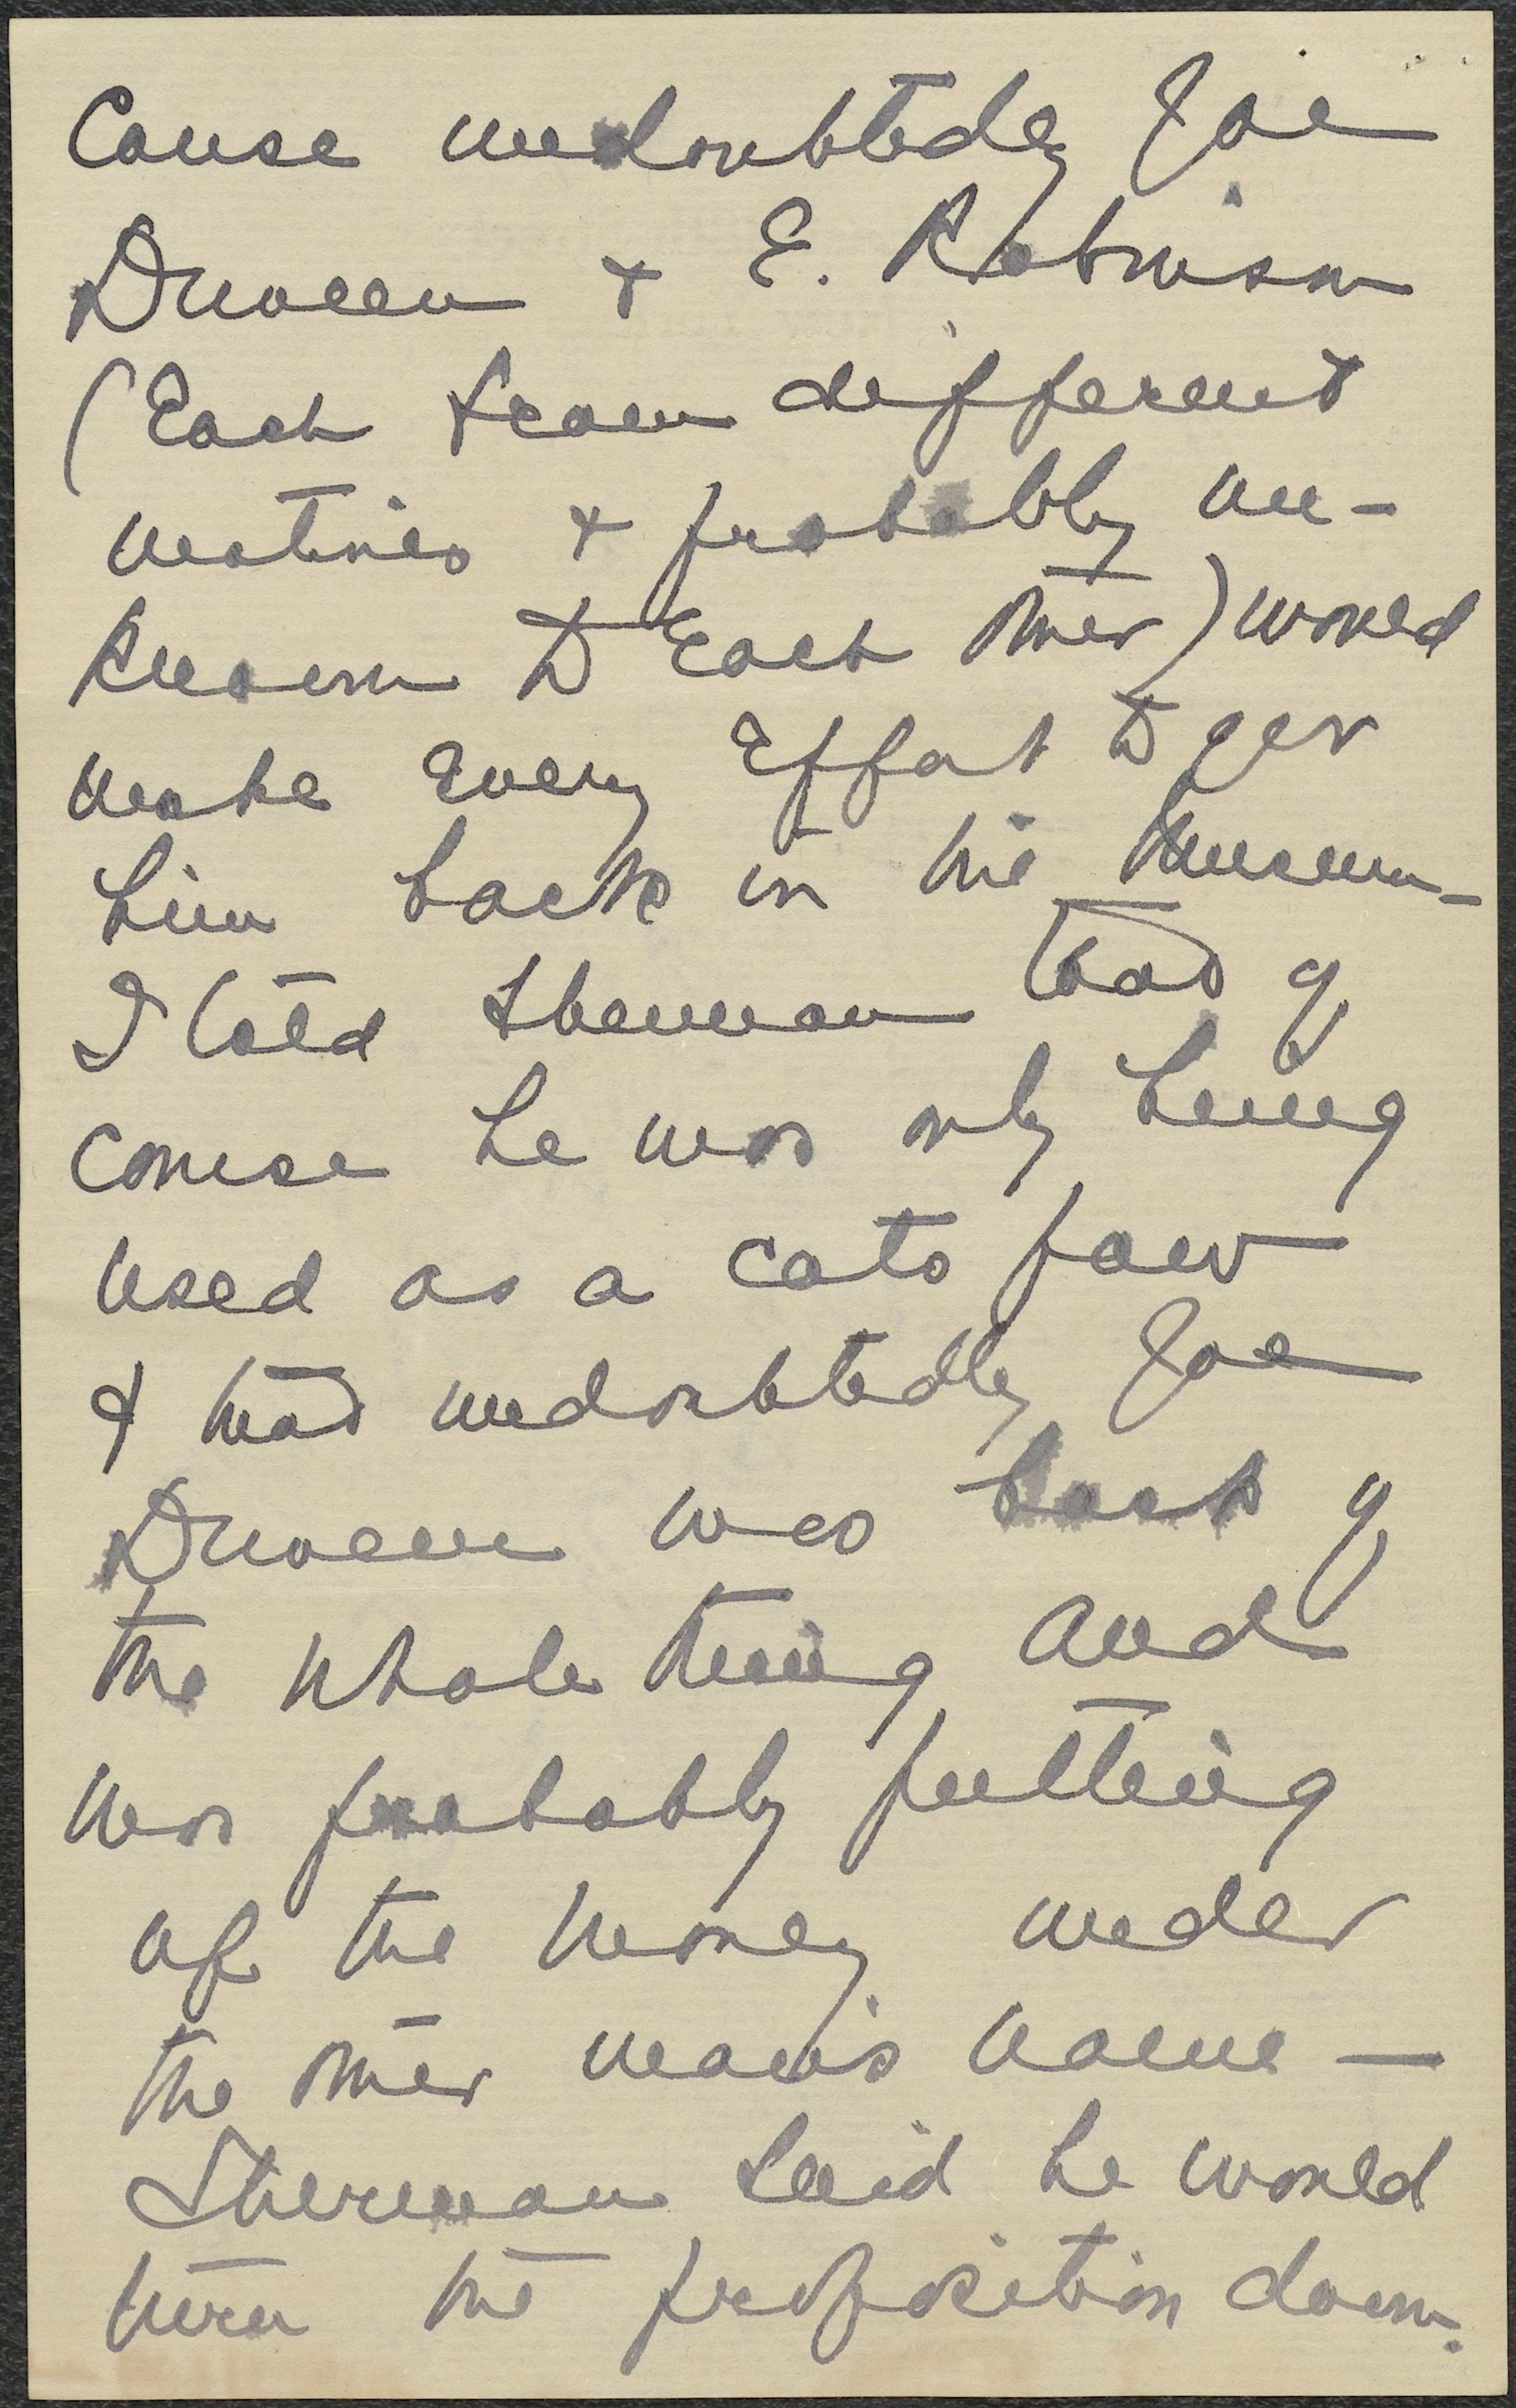undoubtedly Joe Duveen & E. Robinson (each from different motives & probably unknown to each other) would make every effort to get him back in the Museum – I told Sherman that of course he was only being used as a cats paw & that undoubtedly Joe Duveen was back of the whole thing and was probably putting up the money under the other man's name –
Sherman said he would turn the proposition down.